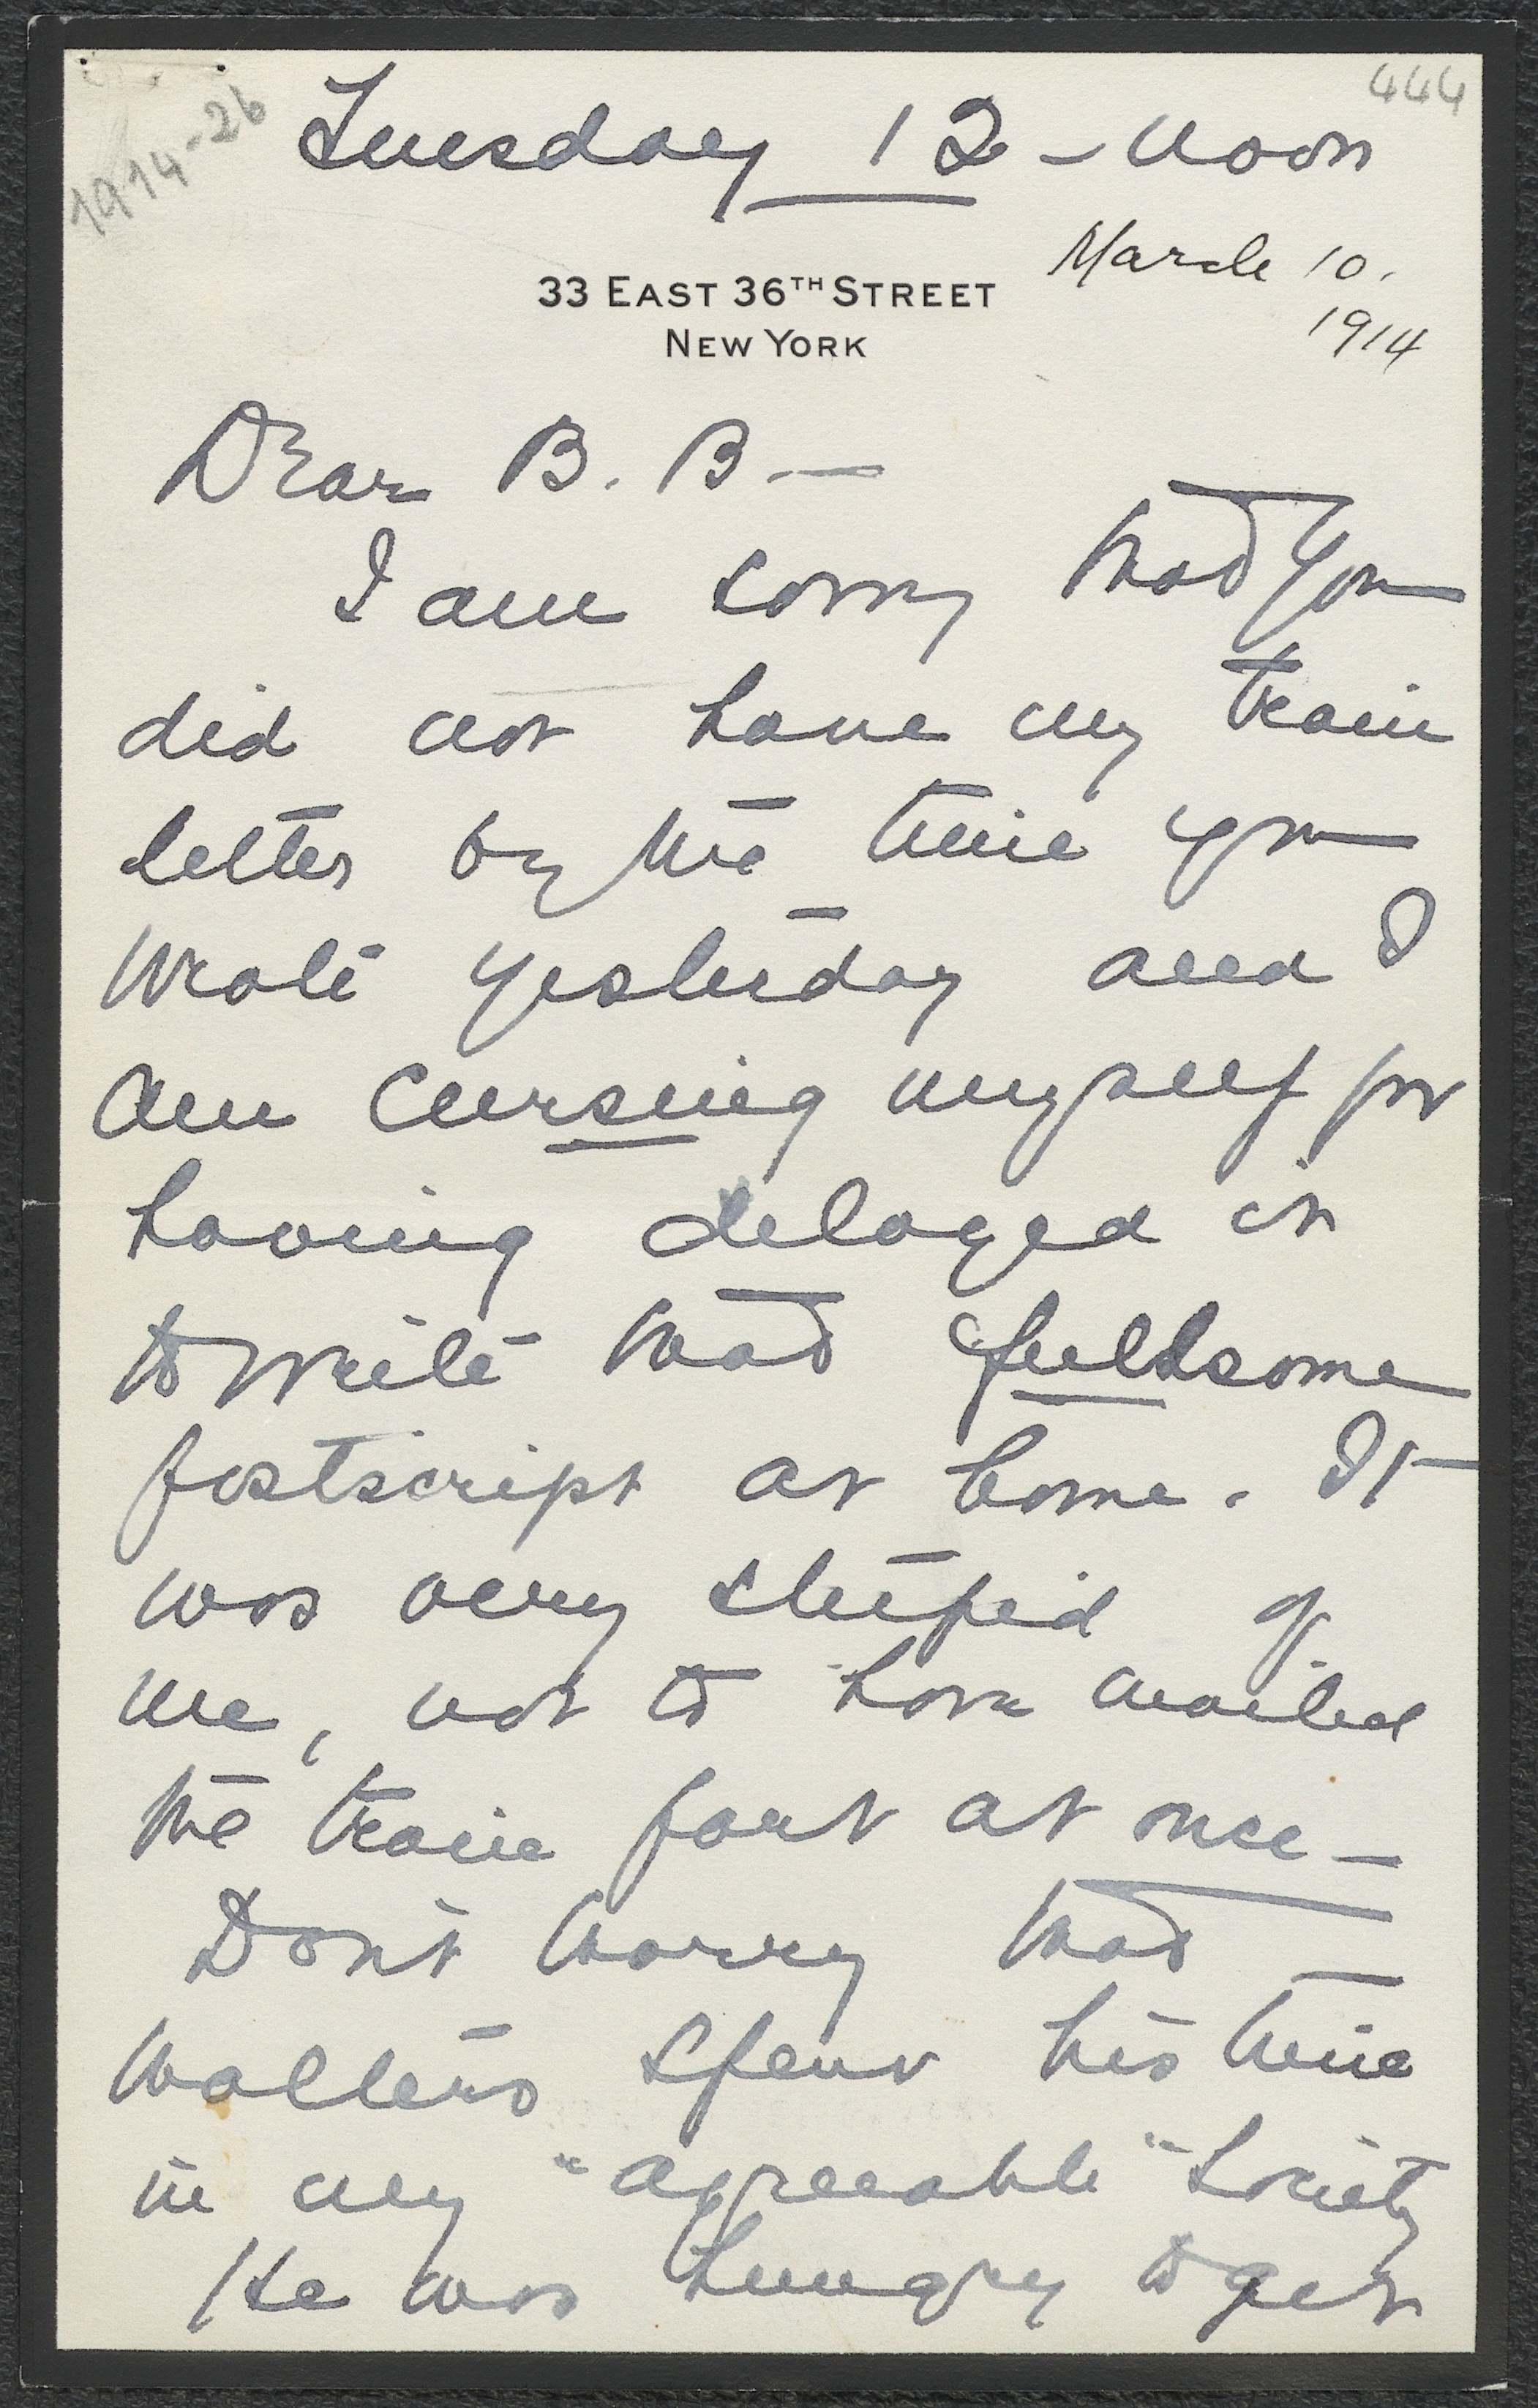Tuesday 12 – noon
Dear B.B. –
I am sorry that you did not have my train letter by the time you wrote yesterday and I am cursing myself for having delayed it to write that fullsome postscript at home. It was very stupid of me, not to have mailed the train part at once – Don’t worry that Walters spent his time in my “agreeable” society
He was hungry to get